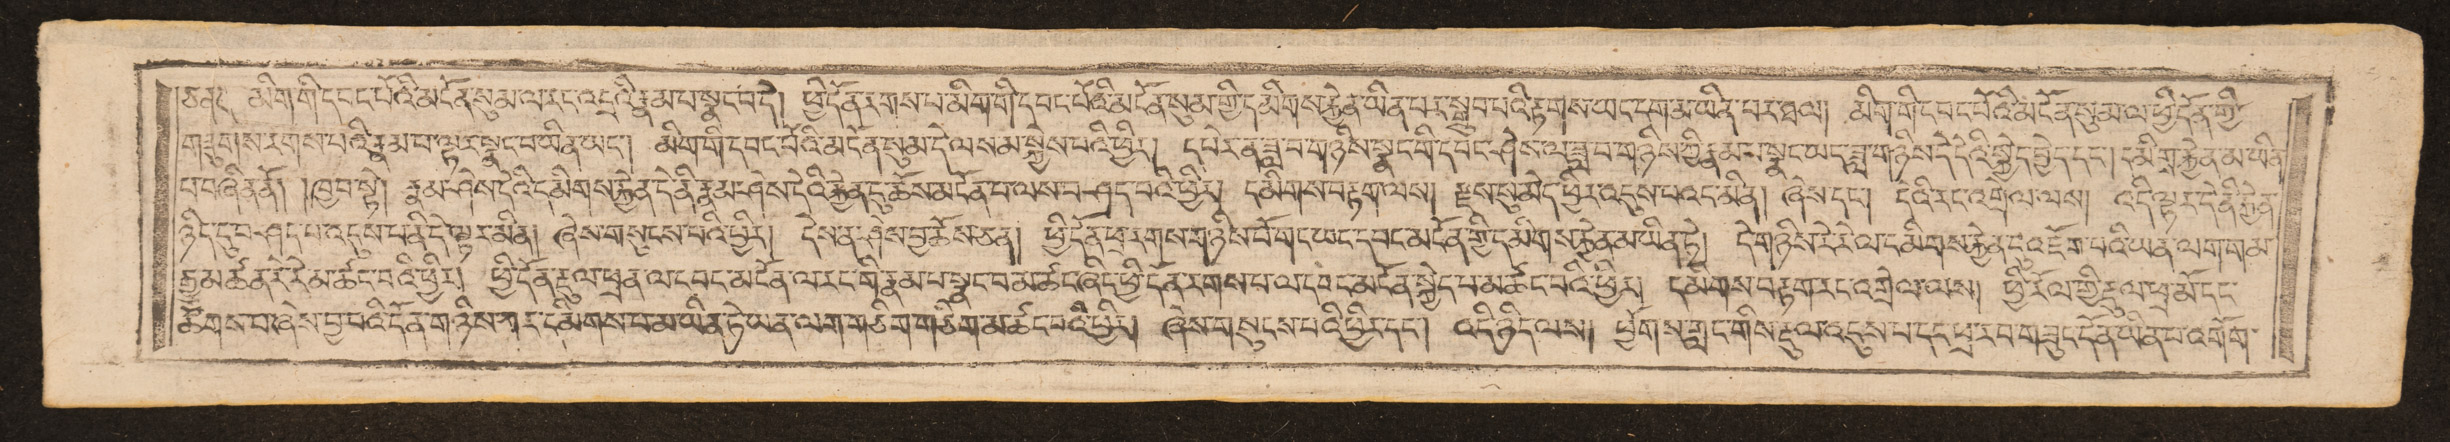ཅན༑ མིག་གི་དབང་པོའི་མངོན་སུམ་ལ་རང་འདྲའི་རྣམ་པ་སྣང་བ་དེ། ཕྱི་དོན་རགས་པ་མིག་གི་དབང་པོའི་མངོན་སུམ་གྱི་དམིགས་རྐྱེན་ཡིན་པར་སྒྲུབ་པའི་རྟགས་ཡང་དག་མ་ཡིན་པར་ཐལ། མིག་གི་དབང་པོའི་མངོན་སུམ་ལ་ཕྱི་དོན་གྱི་
གཟུགས་རགས་པའི་རྣམ་པ་ལྟར་སྣང་བ་ཡིན་ཡང་། མིག་གི་དབང་པོའི་མངོན་སུམ་དེ་ལས་མ་སྐྱེས་པའི་ཕྱིར། དཔེར་ན་ཟླ་བ་གཉིས་སྣང་གི་དབང་ཤེས་ལ་ཟླ་བ་གཉིས་ཀྱི་རྣམ་པ་སྣང་ཡང་ཟླ་གཉིས་དེ་དེའི་སྐྱེད་བྱེད་དང་། དམིགས་རྐྱེན་མ་ཡིན་
པ་བཞིན་ནོ། །ཁྱབ་སྟེ། རྣམ་ཤེས་དེའི་དམིགས་རྐྱེན་དེ་ནི་རྣམ་ཤེས་དེའི་རྐྱེན་དུ་ཆོས་མངོན་པ་ལས་བཤད་པའི་ཕྱིར། དམིགས་བརྟག་ལས། རྫས་སུ་མེད་ཕྱིར་འདུས་པའང་མིན། ཞེས་དང་། དེའི་རང་འགྲེལ་ལས། འདི་ལྟར་དེ་ནི་རྐྱེན་
ཉིད་དུ་བཤད་པ་འདུས་པ་ནི་དེ་ལྟར་མིན། ཞེས་གསུངས་པའི་ཕྱིར། དེས་ན་ཤེས་བྱ་ཆོས་ཅན། ཕྱི་དོན་ཕྲ་རགས་གཉིས་པོ་གང་ཡང་དབང་མངོན་གྱི་དམིགས་རྐྱེན་མ་ཡིན་ཏེ། དེ་གཉིས་རེ་རེ་ལ་དམིགས་རྐྱེན་དུ་འཇོག་པའི་ཡན་ལག་གམ་
རྒྱུ་མཚན་རེ་རེ་མ་ཚང་བའི་ཕྱིར། ཕྱི་དོན་རྡུལ་ཕྲན་ལ་དབང་མངོན་ལ་རང་གི་རྣམ་པ་སྣང་བ་མ་ཚང་ཞིང་ཕྱི་དོན་རགས་བ་ལ་དབང་མངོན་སྐྱེད་པ་མ་ཚང་བའི་ཕྱིར། དམིགས་བརྟག་རང་འགྲེལ་ལས། ཕྱི་རོལ་གྱི་རྡུལ་ཕྲ་མོ་དང་
ཚོགས་པ་ཞེས་བྱ་བའི་དོན་གཉིས་ཀར་དམིགས་པ་མ་ཡིན་ཏེ་ཡན་ལག་གཅིག་གཅིག་མ་ཚང་པའི་ཕྱིར། ཞེས་གསུངས་པའི་ཕྱིར་དང་། འདི་ཉིད་ལས། ཕྱོགས་གླང་གིས་རྡུལ་འདུས་པ་དང་ཕྲ་རབ་གཟུང་དོན་ཡིན་པ་འགོག་